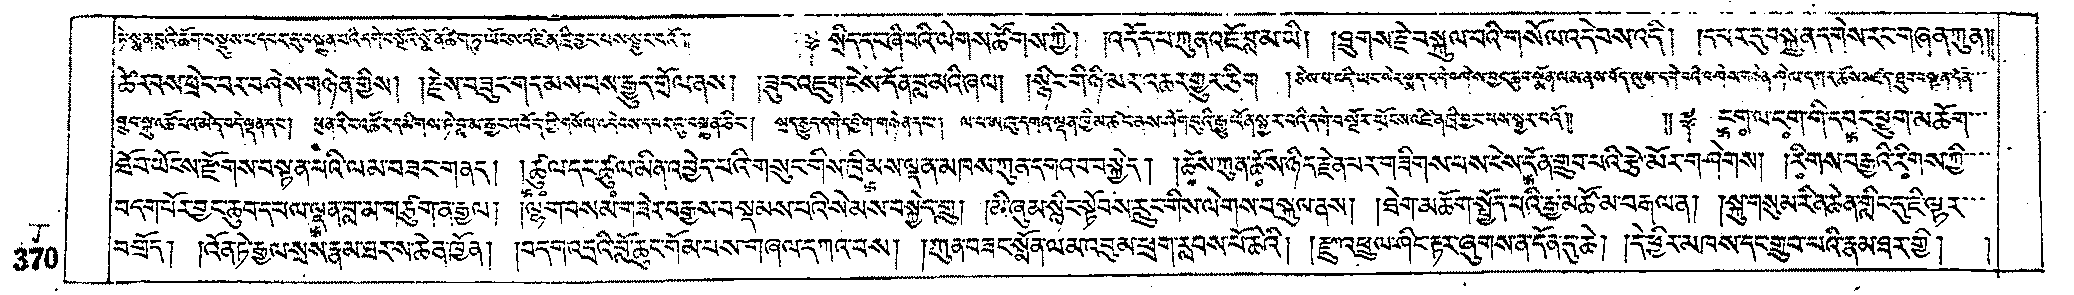ཏེ་སྣམ་བླའི་ཆོ་ག་བསྡུས་པ་དཔར་དུ་བསྐྲུན་པའི་དགེ་བསྔོའི་སྨོན་ཚིག་ཏུ་ཡོངས་འཛིན་ཁྲི་བྱང་པས་སྦྱར་བའོ།།  །། འ་སྲིད་དང་ཞི་བའི་ལེགས་ཚོགས་ཀྱི། །འདོད་པ་ཀུན་འཇོ་བླ་མ་ཡིད། །ཐུགས་རྗེ་བསྐུལ་བའི་གསོལ་འདེབས་འདི། །དཔར་དུ་བསྐྲུན་དགེས་རང་གཞན་ཀུན།།
ཚེ་རབས་ཕྲེང་བར་བཤེས་གཉེན་གྱིས། །རྗེས་བཟུང་གདམས་པ་རྒྱུད་གྲོལ་ནས། །ཟུང་འཇུག་ངེས་དོན་བླ་མའི་ཞལ། །སྙིང་གི་ཉི་མར་འཆར་གྱུར་ཅིག །ཅེས་པ་འདི་ཡང་སེར་སྨད་དགེ་བཤེས་བྱང་ཆུབ་སྨོན་ལམ་ནས་བོད་ལུས་དགེ་བའི་བཤེས་གཉེན་ཤེལ་དཀར་ཆོས་མཛད་ཐུབ་བསྟན་དོན་་་
གྲུབ་སྐུ་འཚོ་ངལ་མེད་བདེ་ལྡན་དང་། ཕྲན་རིང་འཚོར་དམིགས་ཏེ་བླ་མ་རྒྱང་འབོད་ཀྱི་གསོལ་འདེབས་དཔར་དུ་བསྐྲུན་ཅིང་། སྲས་རྒྱུད་དགེ་དབྱིག་གཉེན་དང་། ལ་པ་ཨ་ཁུ་དགའ་ལྡན་ཁྱིམ་ཚང་ནས་ཤོག་བུའི་རྒྱུ་ཡོན་སྦྱར་བའི་དགེ་བསྔོར་ཡོངས་འཛིན་ཁྲི་བྱང་པས་སྦྱར་བའོ།། །། འ་ངག྾་ལ་ངག྾་གི་དབང་ཕྱུག་མཆོག་་་
ཐོབ་ཡོངས་རྫོགས་བསྟན་པའི་ལམ་བཟང་གནད། །ཚུལ྾་དང་ཚུལ྾་མིན་འབྱེད་པའི་གསུང་གིས་ཁྲིམས་ལྡན་མཁས་ཀུན་དགའ་བ་བསྐྱེད། །ཆོས྾་ཀུན་ཆོས྾་ཉིད་རྗེན་པར་གཟིགས་པས་ངེས་དོན་གྲུབ་པའི་རྩེ་མོར་གཤེགས། །རིགས྾་བརྒྱའི་རིགས྾་ཀྱི་་་
བདག་པོར་བྱང་ཆུབ་དཔལ་ལྡན་བླ་མ་གཙུག་ན་རྒྱལ། །ལྷག་བསམ་གཟེར་བརྒྱས་བསྡམས་པའི་སེམས་བསྐྱེད་གྲུ། །མི་ཞུམ་སྙིང་སྟོབས་རླུང་གིས་ལེགས་བསྐུལ་ནས། །ཐེག་མཆོག་སྤྱོད་པའི་རྒྱ་མཚོ་མ་བརྒྱལ་ན། །སྐུ་གསུམ་རིན་ཆེན་གླིང་དུ་ཇི་ལྟར་་་
བགྲོད། །འོན་ཏེ་རྒྱལ་སྲས་རྣམ་ཐར་ས་ཆེན་ཁྱོན། །བདག་འདྲའི་གློ་ཆུང་གོམ་པས་གཞལ་དཀའ་བས། །ཀུན་བཟང་སྨོན་ཨམ་འབུམ་ཕྲག་རླབས་པོ་ཆེའི། །རྫུ་འཕྲུལ་ཤིང་རྟར་ཞུགས་ན་དོན་དུ་ཆེ། །དེ་ཕྱིར་མཁས་དང་གྲུབ་པའི་རྣམ་ཐར་གྱི། །